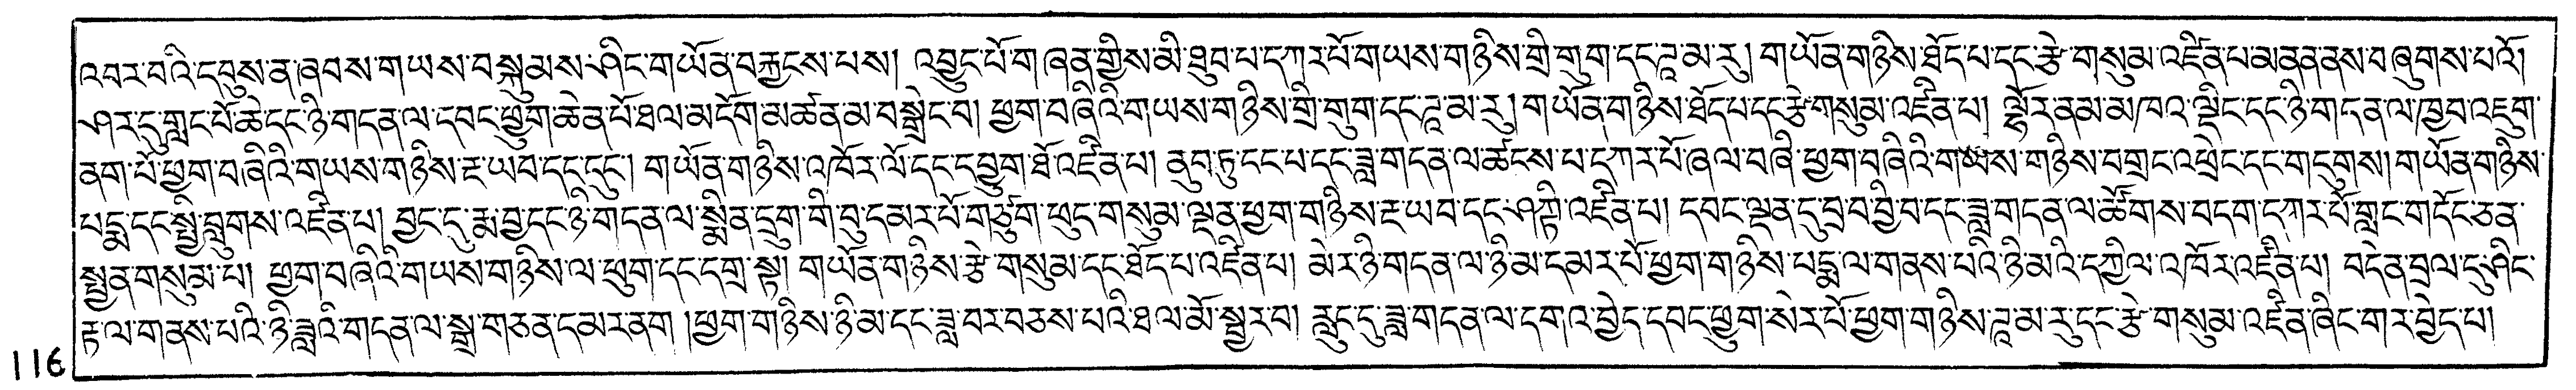འབར་བའི་དབུས་ན་ཞབས་གཡས་བསྐུམས་ཤིང་གཡོན་བརྐྱངས་པས། འབྱུང་པོ་གཞན་གྱིས་མི་ཐུབ་པ་དཀར་པོ་གཡས་གཉིས་གྲི་གུག་དང་ཌཱ་མ་རུ། གཡོན་གཉིས་ཐོད་པ་དང་རྩེ་གསུམ་འཛིན་པ་མནན་ནས་བཞུགས་པའོ།
ཤར་དུ་གླང་པོ་ཆེ་དང་ཉི་གདན་ལ་དབང་ཕྱུག་ཆེན་པོ་ཐལ་མདོག་མཚན་མ་བསྒྲེང་བ། ཕྱག་བཞིའི་གཡས་གཉིས་གྲི་གུག་དང་ཌཱ་མ་རུ། གཡོན་གཉིས་ཐོད་པ་དང་རྩེ་གསུམ་འཛིན་པ། ལྷོར་ནམ་མཁའ་ལྡིང་དང་ཉི་གདན་ལ་ཁྱབ་འཇུག་
ནག་པོ་ཕྱག་བཞིའི་གཡས་གཉིས་རྔ་ཡབ་དང་དུང་། གཡོན་གཉིས་འཁོར་ལོ་དང་དབྱུག་ཐོ་འཛིན་པ། ནུབ་ཏུ་ངང་པ་དང་ཟླ་གདན་ལ་ཚངས་པ་དཀར་པོ་ཞལ་བཞི་ཕྱག་བཞིའི་གཡས་གཉིས་བགྲང་འཕྲེང་དང་གདུགས། གཡོན་གཉིས་
པདམ་དང་སྤྱི་བླུགས་འཛིན་པ། བྱང་དུ་རྨ་བྱ་དང་ཉི་གདན་ལ་སྨིན་དྲུག་གི་བུ་དམར་པོ་གཙུག་ཕུད་གསུམ་ལྡན་ཕྱག་གཉིས་རྔ་ཡབ་དང་ཤཀྟི་འཛིན་པ། དབང་ལྡན་དུ་བྲ་བ་བྱི་བ་དང་ཟླ་གདན་ལ་ཚོགས་བདག་དཀར་པོ་གླང་གདོང་ཅན་
སྤྱན་གསུམ་པ། ཕྱག་བཞིའི་གཡས་གཉིས་ལ་ཕུག་དང་དགྲ་སྟ། གཡོན་གཉིས་རྩེ་གསུམ་དང་ཐོད་པ་འཛིན་པ། མེར་ཉི་གདན་ལ་ཉི་མ་དམར་པོ་ཕྱག་གཉིས་པདམ་ལ་གནས་པའི་ཉི་མའི་དཀྱིལ་འཁོར་འཛིན་པ། བདེན་བྲལ་དུ་ཤིང་
རྟ་ལ་གནས་པའི་ཉི་ཟླའི་གདན་ལ་སྒྲ་གཅན་དམར་ནག །ཕྱག་གཉིས་ཉི་མ་དང་ཟླ་བར་བཅས་པའི་ཐལ་མོ་སྦྱར་བ། རླུང་དུ་ཟླ་གདན་ལ་དགའ་བྱེད་དབང་ཕྱུག་སེར་པོ་ཕྱག་གཉིས་ཌཱ་མ་རུ་དང་རྩེ་གསུམ་འཛིན་ཞིང་གར་བྱེད་པ།